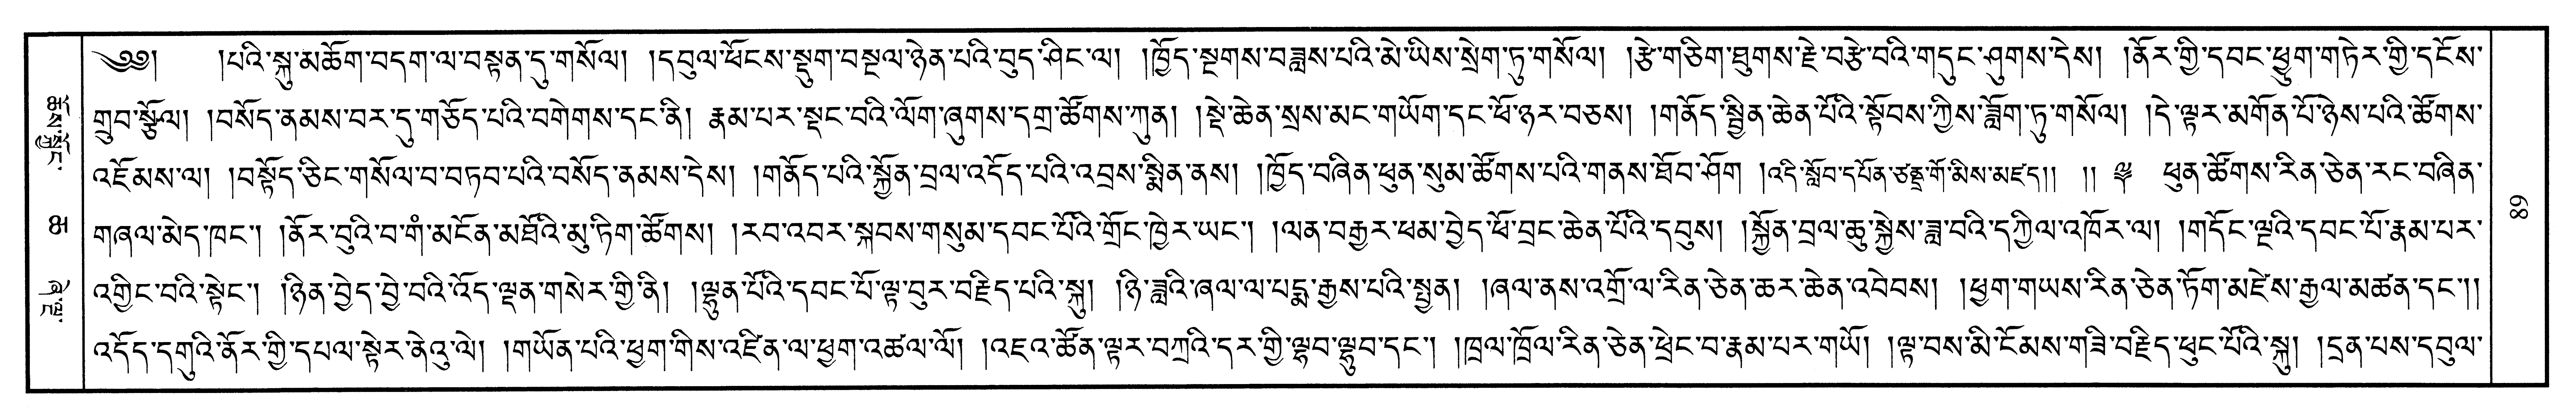༄༅། །པའི་སྐུ་མཆོག་བདག་ལ་བསྟན་དུ་གསོལ། །དབུལ་ཕོངས་སྡུག་བསྔལ་ཉེན་པའི་བུད་ཤིང་ལ། །ཁྱོད་སྔགས་བཟླས་པའི་མེ་ཡིས་སྲེག་ཏུ་གསོལ། །རྩེ་གཅིག་ཐུགས་རྗེ་བརྩེ་བའི་གདུང་ཤུགས་དེས། །ནོར་གྱི་དབང་ཕྱུག་གཏེར་གྱི་དངོས་
གྲུབ་སྩོལ། །བསོད་ནམས་བར་དུ་གཅོད་པའི་བགེགས་དང་ནི། རྣམ་པར་སྡང་བའི་ལོག་ཞུགས་དགྲ་ཚོགས་ཀུན། །སྡེ་ཅེན་སྲས་མང་གཡོག་དང་ཕོ་ཉར་བཅས། །གནོད་སྦྱིན་ཆེན་པོའི་སྟོབས་ཀྱིས་ཟློག་ཏུ་གསོལ། །དེ་ལྟར་མགོན་པོ་ཉེས་པའི་ཚོགས་
འཇོམས་ལ། །བསྟོད་ཅིང་གསོལ་བ་བཏབ་པའི་བསོད་ནམས་དེས། །གནོད་པའི་སྐྱོན་བྲལ་འདོད་པའི་འབྲས་སྨིན་ནས། །ཁྱོད་བཞིན་ཕུན་སུམ་ཚོགས་པའི་གནས་ཐོབ་ཤོག །འདི་སློབ་དཔོན་ཙནྡྲ་གོ་མིས་མཛད།། །། ༈ ཕུན་ཚོགས་རིན་ཅེན་རང་བཞིན་
གཞལ་མེད་ཁང་། །ནོར་བུའི་བ་གཾ་མངོན་མཐོའི་མུ་ཏིག་ཚོགས། །རབ་འབར་སྐབས་གསུམ་དབང་པོའི་གྲོང་ཁྱེར་ཡང་། །ལན་བརྒྱར་ཕམ་བྱེད་ཕོ་བྲང་ཆེན་པོའི་དབུས། །སྐྱོན་བྲལ་ཆུ་སྐྱེས་ཟླ་བའི་དཀྱིལ་འཁོར་ལ། །གདོང་ལྔའི་དབང་པོ་རྣམ་པར་
འགྱིང་བའི་སྟེང་། །ཉིན་བྱེད་བྱེ་བའི་འོད་ལྡན་གསེར་གྱི་ནི། །ལྷུན་པོའི་དབང་པོ་ལྟ་བུར་བརྗིད་པའི་སྐུ། །ཉི་ཟླའི་ཞལ་ལ་པདམ་རྒྱས་པའི་སྤྱན། །ཞལ་ནས་འགྲོ་ལ་རིན་ཅེན་ཆར་ཆེན་འབེབས། །ཕྱག་གཡས་རིན་ཅེན་ཏོག་མཛེས་རྒྱལ་མཚན་དང།།
འདོད་དགུའི་ནོར་གྱི་དཔལ་སྟེར་ནེའུ་ལེ། །གཡོན་པའི་ཕྱག་གིས་འཛིན་ལ་ཕྱག་འཚལ་ལོ། །འཇའ་ཚོན་ལྟར་བཀྲའི་དར་གྱི་ལྷབ་ལྷུབ་དང་། །ཁྲལ་ཁྲོལ་རིན་ཅེན་ཕྲེང་བ་རྣམ་པར་གཡོ། །ལྟ་བས་མི་ངོམས་གཟི་བརྗིད་ཕུང་པོའི་སྐུ། །དྲན་པས་དབུལ་